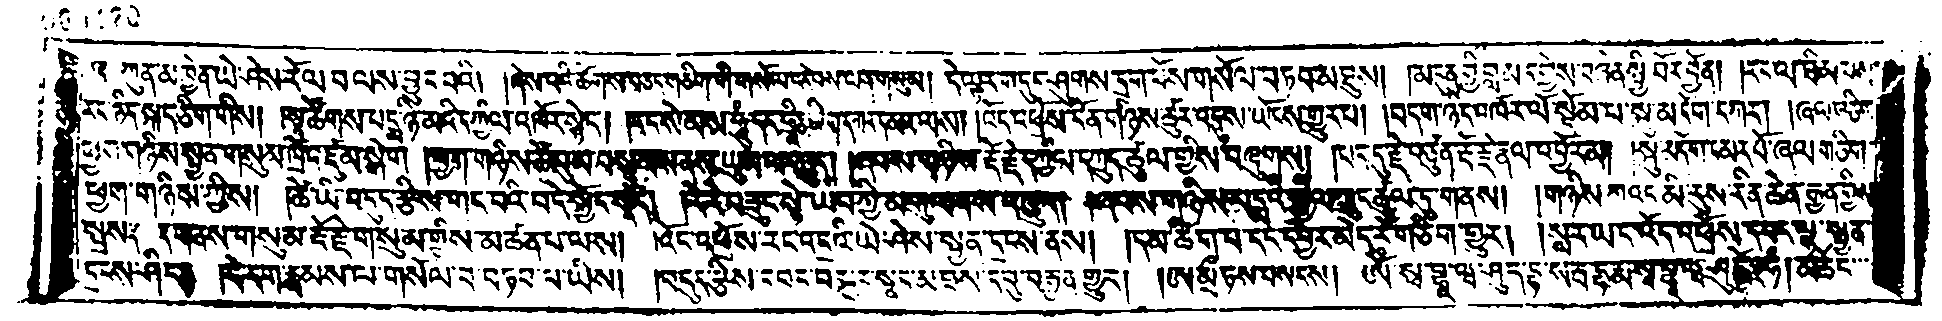ན༑ ཀུན་མཁྱེན་ཡེ་ཤེས་རོལ་བ་ལས་བྱུང་བའི། །ཞེས་པའི་ཚིགས་བཅད་གཅིག་གི་གསོལ་འདེབས་ལན་གསུམ།  དེ་ལྟར་གདུང་ཤུགས་དྲག་པོས་གསོལ་བཏབ་མཐུས། །མདུན་གྱི་བླ་མ་དགྱེས་བཞིན་སྤྱི་བོར་བྱོན། །རང་ལ་ཐིམ་པས་
རང་ཉིད་སྐད་ཅིག་གིས། །སྣ་ཚོགས་པདམ་ཉི་མའི་དཀྱིལ་འཁོར་སྟེང་། །རང་སེམས་ཧཱུཾ་དང་ཧྲཱིཿ མིག་དཀར་དམར་ལས། །འོད་འཕྲོས་དོན་གཉིས་ཚུར་འདུས་ཡོངས་གྱུར་པ། །བདག་ཉིད་འཁོར་ལོ་སྡོམ་པ་སྐུ་མདོག་དཀར། །ཞལ་གཅིག་
ཕྱག་གཉིས་སྤྱན་གསུམ་ཁྲོ་འཛུམ་སྒེག །ཕྱག་གཉིས་ཚེ་བུམ་བསྣམས་ནས་ཡུམ་ལ་འཁྱུད། །ཞབས་གཉིས་རྡོ་རྗེ་དཀྱིལ་དཀྲུང་ཚུལ་གྱིས་བཞུགས། །པད་དུ་རྗེ་བཙུན་རྡོ་རྗེ་རྣལ་འབྱོར་མ། །སྐུ་མདོག་དམར་པོ་ཞལ་གཅིག་
ཕྱག་གཉིས་ཀྱིས། །ཚེ་ཡི་བདུད་རྩིས་གང་བའི་བདེ་སྐྱོང་སྣོད། །རེ་རེ་བཟུང་སྟེ་ཡབ་ཀྱི་མགུལ་ནས་འཁྱུད། །ཞབས་གཉིས་པདམའི་སྐྱིལ་ཀྲུང་ཚུལ་དུ་གནས། །གཉིས་ཀའང་མི་རུས་རིན་ཆེན་རྒྱན་གྱིས་
སྤྲས༑ ༑གནས་གསུམ་རྡོ་རྗེ་གསུམ་གྱིས་མཚན་པ་ལས། །འོད་འཕྲོས་རང་འདྲའི་ཡེ་ཤེས་སྤྱན་དྲངས་ནས། །དམ་ཚིག་པ་དང་དབྱེར་མེད་རོ་གཅིག་གྱུར། །སླར་ཡང་འོད་འཕྲོས་དབང་ལྷ་སྤྱན་
དྲངས་ཤིང་། །དེ་དག་རྣམས་ལ་གསོལ་བ་བཏབ་པ་ཡིས། །བདུད་རྩིས་དབང་བསྐུར་སྣང་མཐས་དབུ་བརྒྱན་གྱུར། །ཨ་མྲྀ་ཏས་བསངས། ཨོཾ་སྭ་བྷཱ་ཝ་ཤུད་དྷ་སརྦ་དྷརྨ་སྭ་བྷཱ་ཝ་ཤུདྡྷོཉྷཾ། མཆོད་